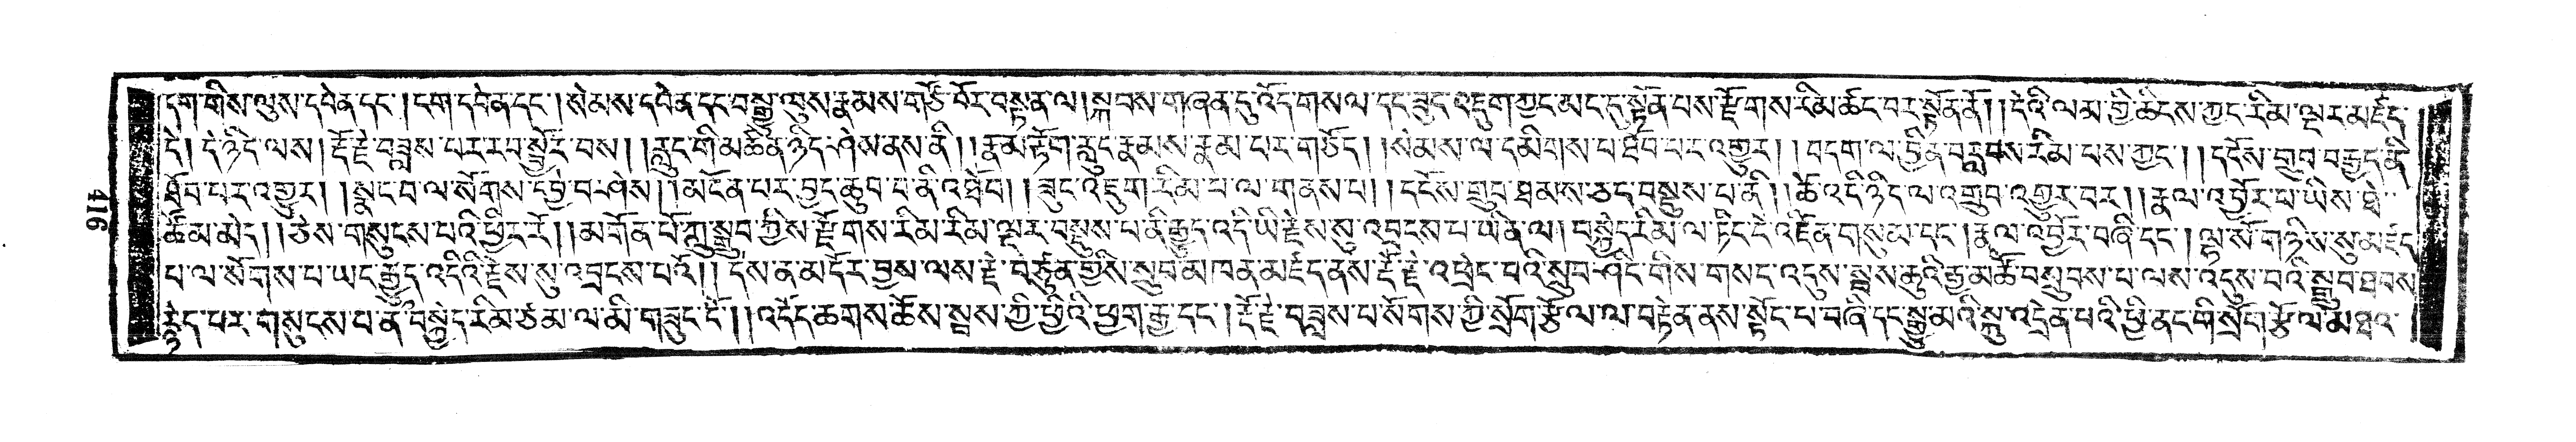དག་གིས་ལུས་དབེན་དང་། ངག་དབེན་དང་། སེམས་དབེན་དང་བསྒྱུ་ལུས་རྣམས་གཙོ་བོར་བསྟན་ལ། སྐབས་གཞན་དུ་འོད་གསལ་དང་ཟུང་འཇུག་ཀྱང་མང་དུ་སྟན་པས་རྫོགས་རིམ་ཚང་བར་སྟོན་ནོ། །དེའི་ལམ་གྱི་ཆིངས་ཀྱང་རིམ་ལྔར་མཛད་
དེ། དེ་ཉིད་ལས། རྡོ་རྗེ་བཟླས་པར་རབ་སྦྱོར་བས། །རླུང་གི་མཚན་ཉིད་ཤེས་ནས་ནི། །རྣམ་རྟོག་རླུང་རྣམས་རྣམ་པར་གཅོད། །སེམས་ལ་དམིགས་པ་ཐོབ་པར་འགྱུར། །བདག་ལ་བྱིན་བརླབས་རིམ་པས་ཀྱང་། །དངོས་གྲུབ་བརྒྱད་ནི་
ཐོབ་པར་འགྱུར། །སྣང་བ་ལ་སོགས་དབྱེ་བ་ཤེས། །མངོན་པར་བྱང་ཆུབ་པ་ནི་འཐོབ། །ཟུང་འཇུག་རིམ་པ་ལ་གནས་པ། །དངོས་གྲུབ་ཐམས་ཅད་བསྡུས་པ་ནི། །ཚེ་འདི་ཉིད་ལ་འགྲུབ་འགྱུར་བར། །རྣལ་འབྱོར་པ་ཡིས་ཐེ་
ཚོམ་མེད། །ཅེས་གསུངས་པའི་ཕྱིར་རོ། །མགོན་པོ་ཀླུ་སྒྲུབ་ཀྱིས་རྫོགས་རིམ་རིམ་ལྔར་བསྡུས་པ་ནི་རྒྱུད་འདི་ཡི་རྗེས་སུ་འབྲངས་པ་ཡིན་ལ། བསྐྱེད་རིམ་ལ་ཏིང་ངེ་འཛིན་གསུམ་དང་། རྣལ་འབྱོར་བཞི་དང་། ལྷ་སོ་གཉིས་སུ་མཛད་
པ་ལ་སོགས་པ་ཡང་རྒྱུད་འདིའི་རྗེས་སུ་འབྲངས་པའོ། །དེས་ན་མདོར་བྱས་ལས་རྗེ་བཙུན་གྱིས་སྲུབ་མཁན་མཛད་ནས་རྡོ་རྗེ་འཕྲེང་བའི་སྲུབ་ཤིང་གིས་གསང་འདུས་སྦས་ཆུའི་རྒྱ་མཚོ་བསྲུབས་པ་ལས་འདུས་པའི་སྒྲུབ་ཐབས་
རྙེད་པར་གསུངས་པ་ནི་བསྐྱེད་རིམ་ཙམ་ལ་མི་གཟུང་ངོ། །འདོད་ཆགས་ཆོས་སྦས་ཀྱི་ཕྱིའི་ཕྱག་རྒྱ་དང་། རྡོ་རྗེ་བཟླས་པ་སོགས་ཀྱི་སྲོག་རྩོལ་ལ་བརྟེན་ནས་སྟོང་པ་བཞི་དང་སྒྱུ་མའི་སྐུ་འདྲེན་པའི་ཕྱི་ནང་གི་སྲོག་རྩོལ་མཐའ་